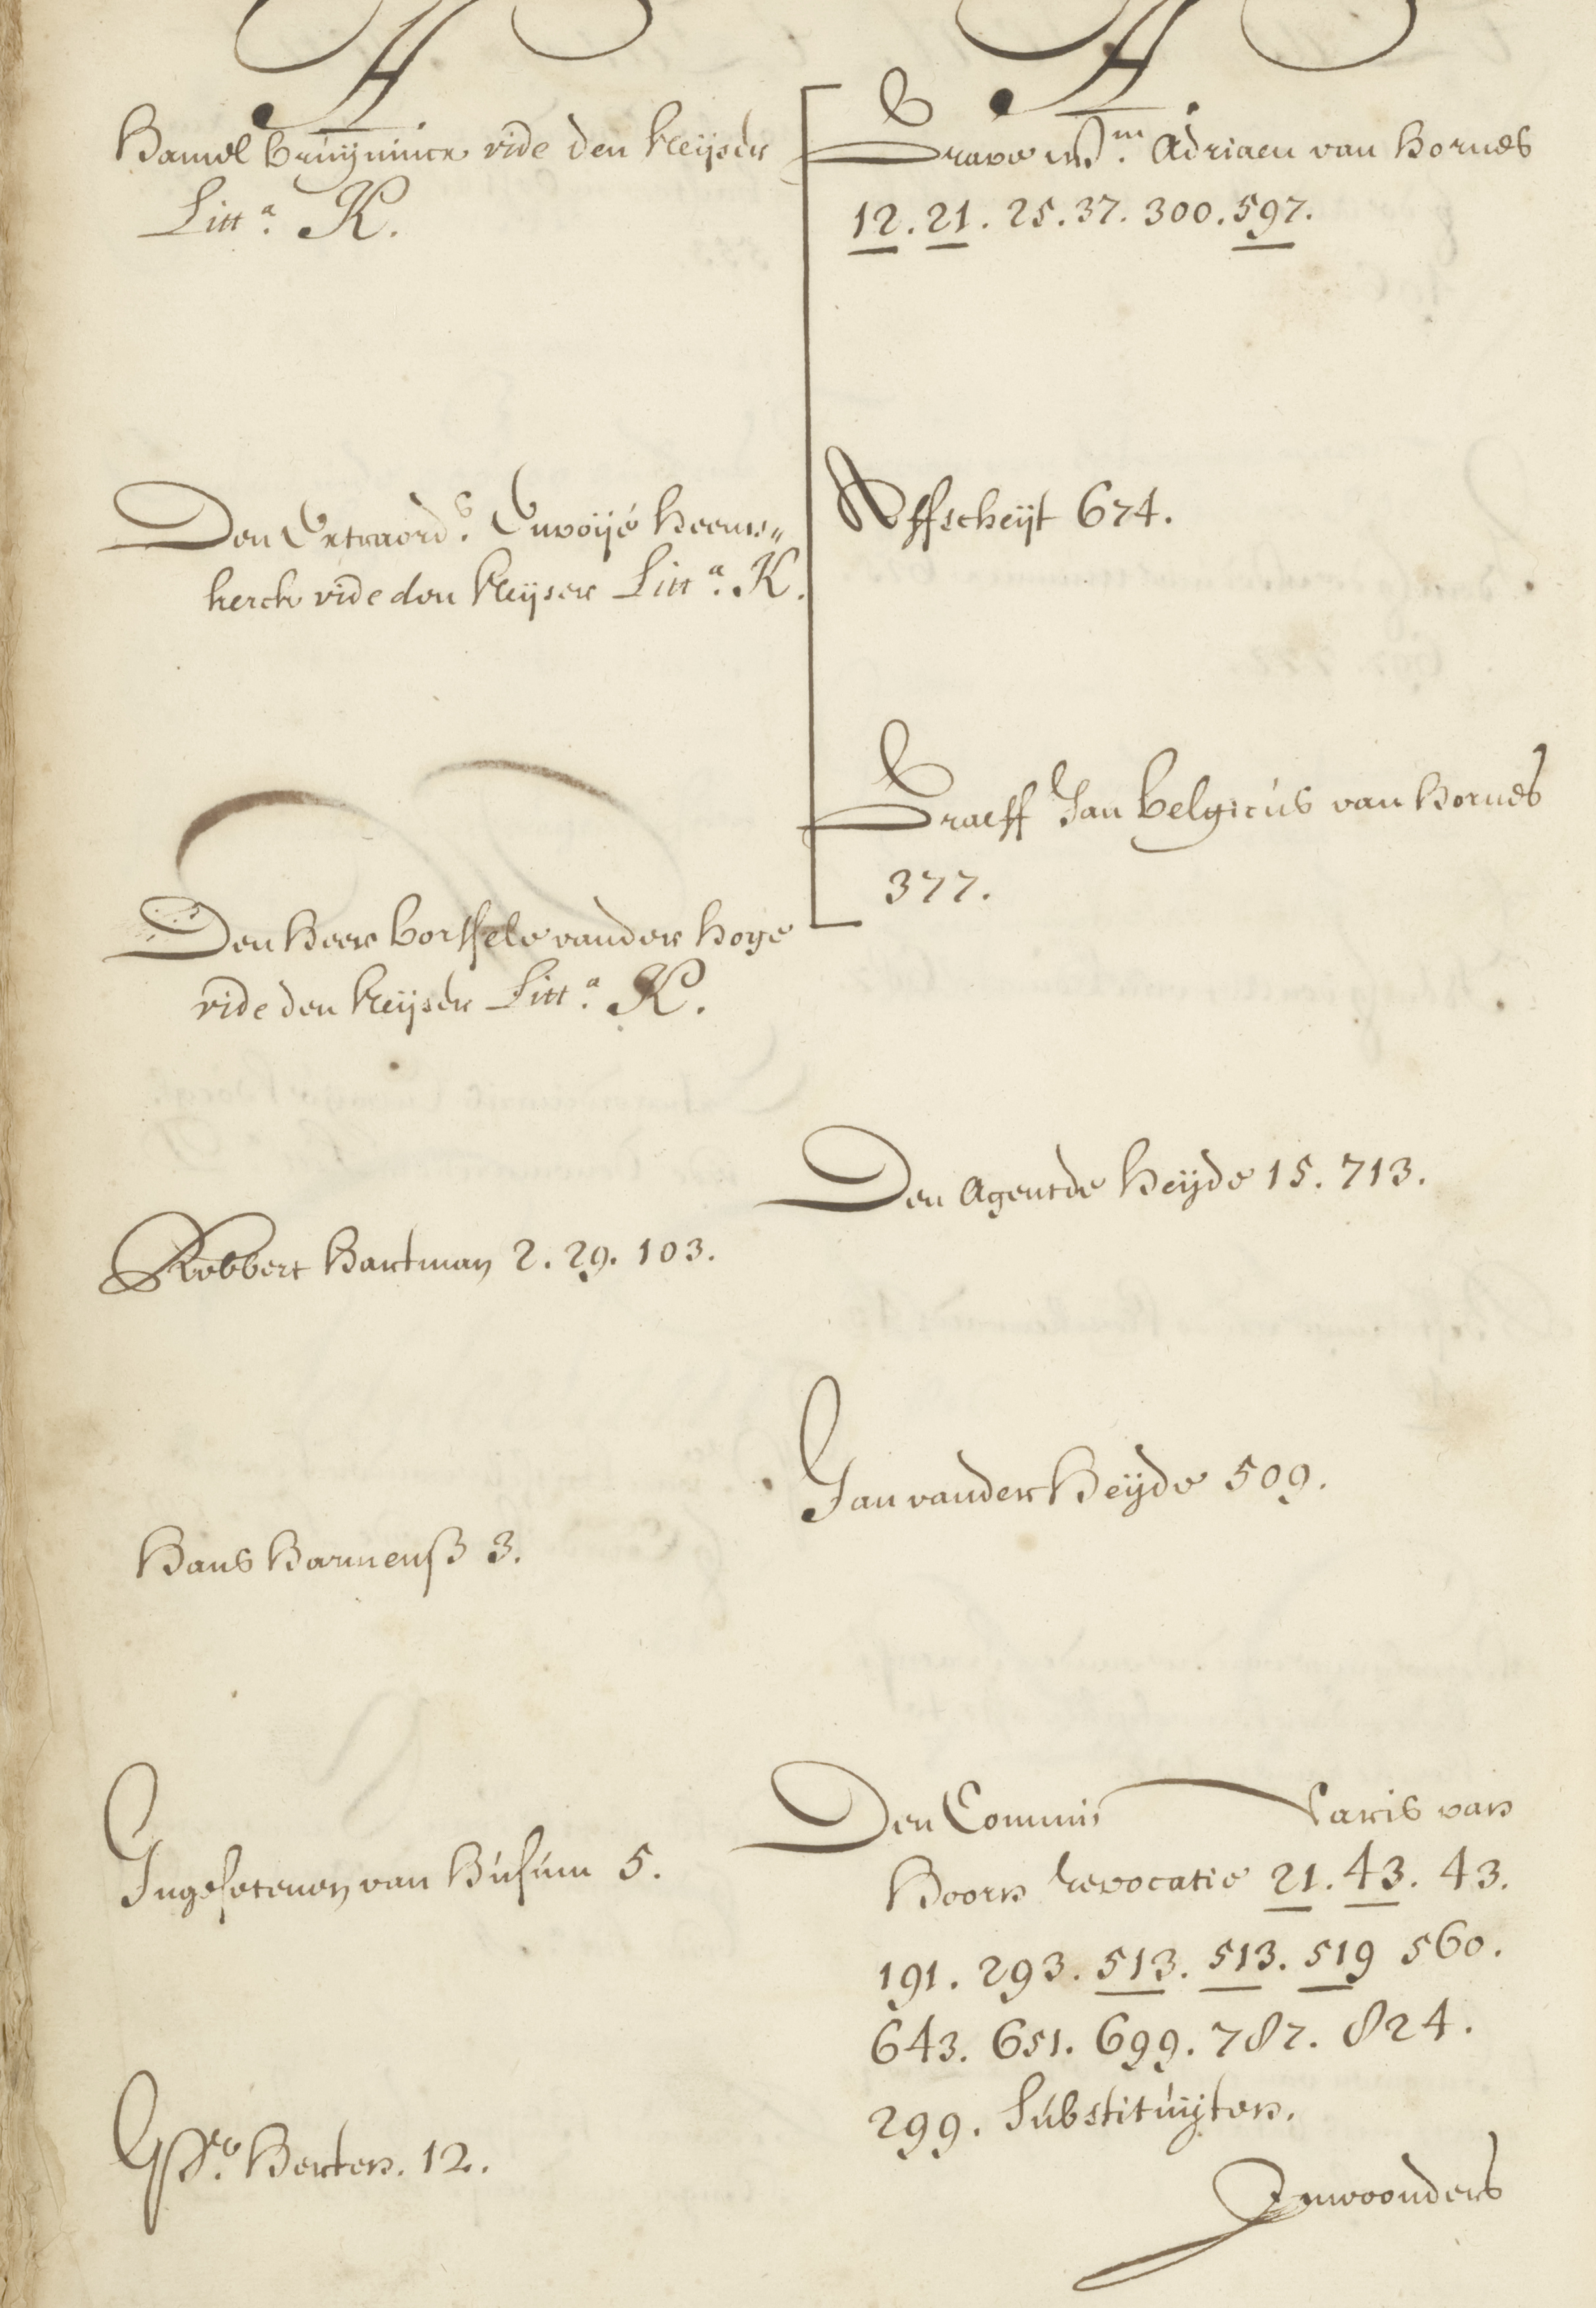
H.
Hamel Bruijnincx vide den Keijser
Litta. K.
Den Extraords. Envoijé Heems„
kerck vide den Keijser Litta. K.
Den Heer Borssele van der Hoge
vide den Keijser Litta. K.
Robbert Hartman 2. 29. 103.
Hans Harmens 3.
Ingesetenen van Husum 5.
Pr. Herten 12.
H.
Grave Wm. Adriaen van Hornes
12. 21. 25. 37. 300. 597.
Affscheijt 674.
Graeff Jan Belgicus van Hornes
377.
Den Agent de Heijde 15. 173.
Jan van der Heijde 509.
Den Commissaris van
Hoorn Revoctie 21. 43. 43.
191. 293. 513. 513. 519. 560.
643. 651. 699. 787. 824.
299. Substituijten.
Inwoonders
